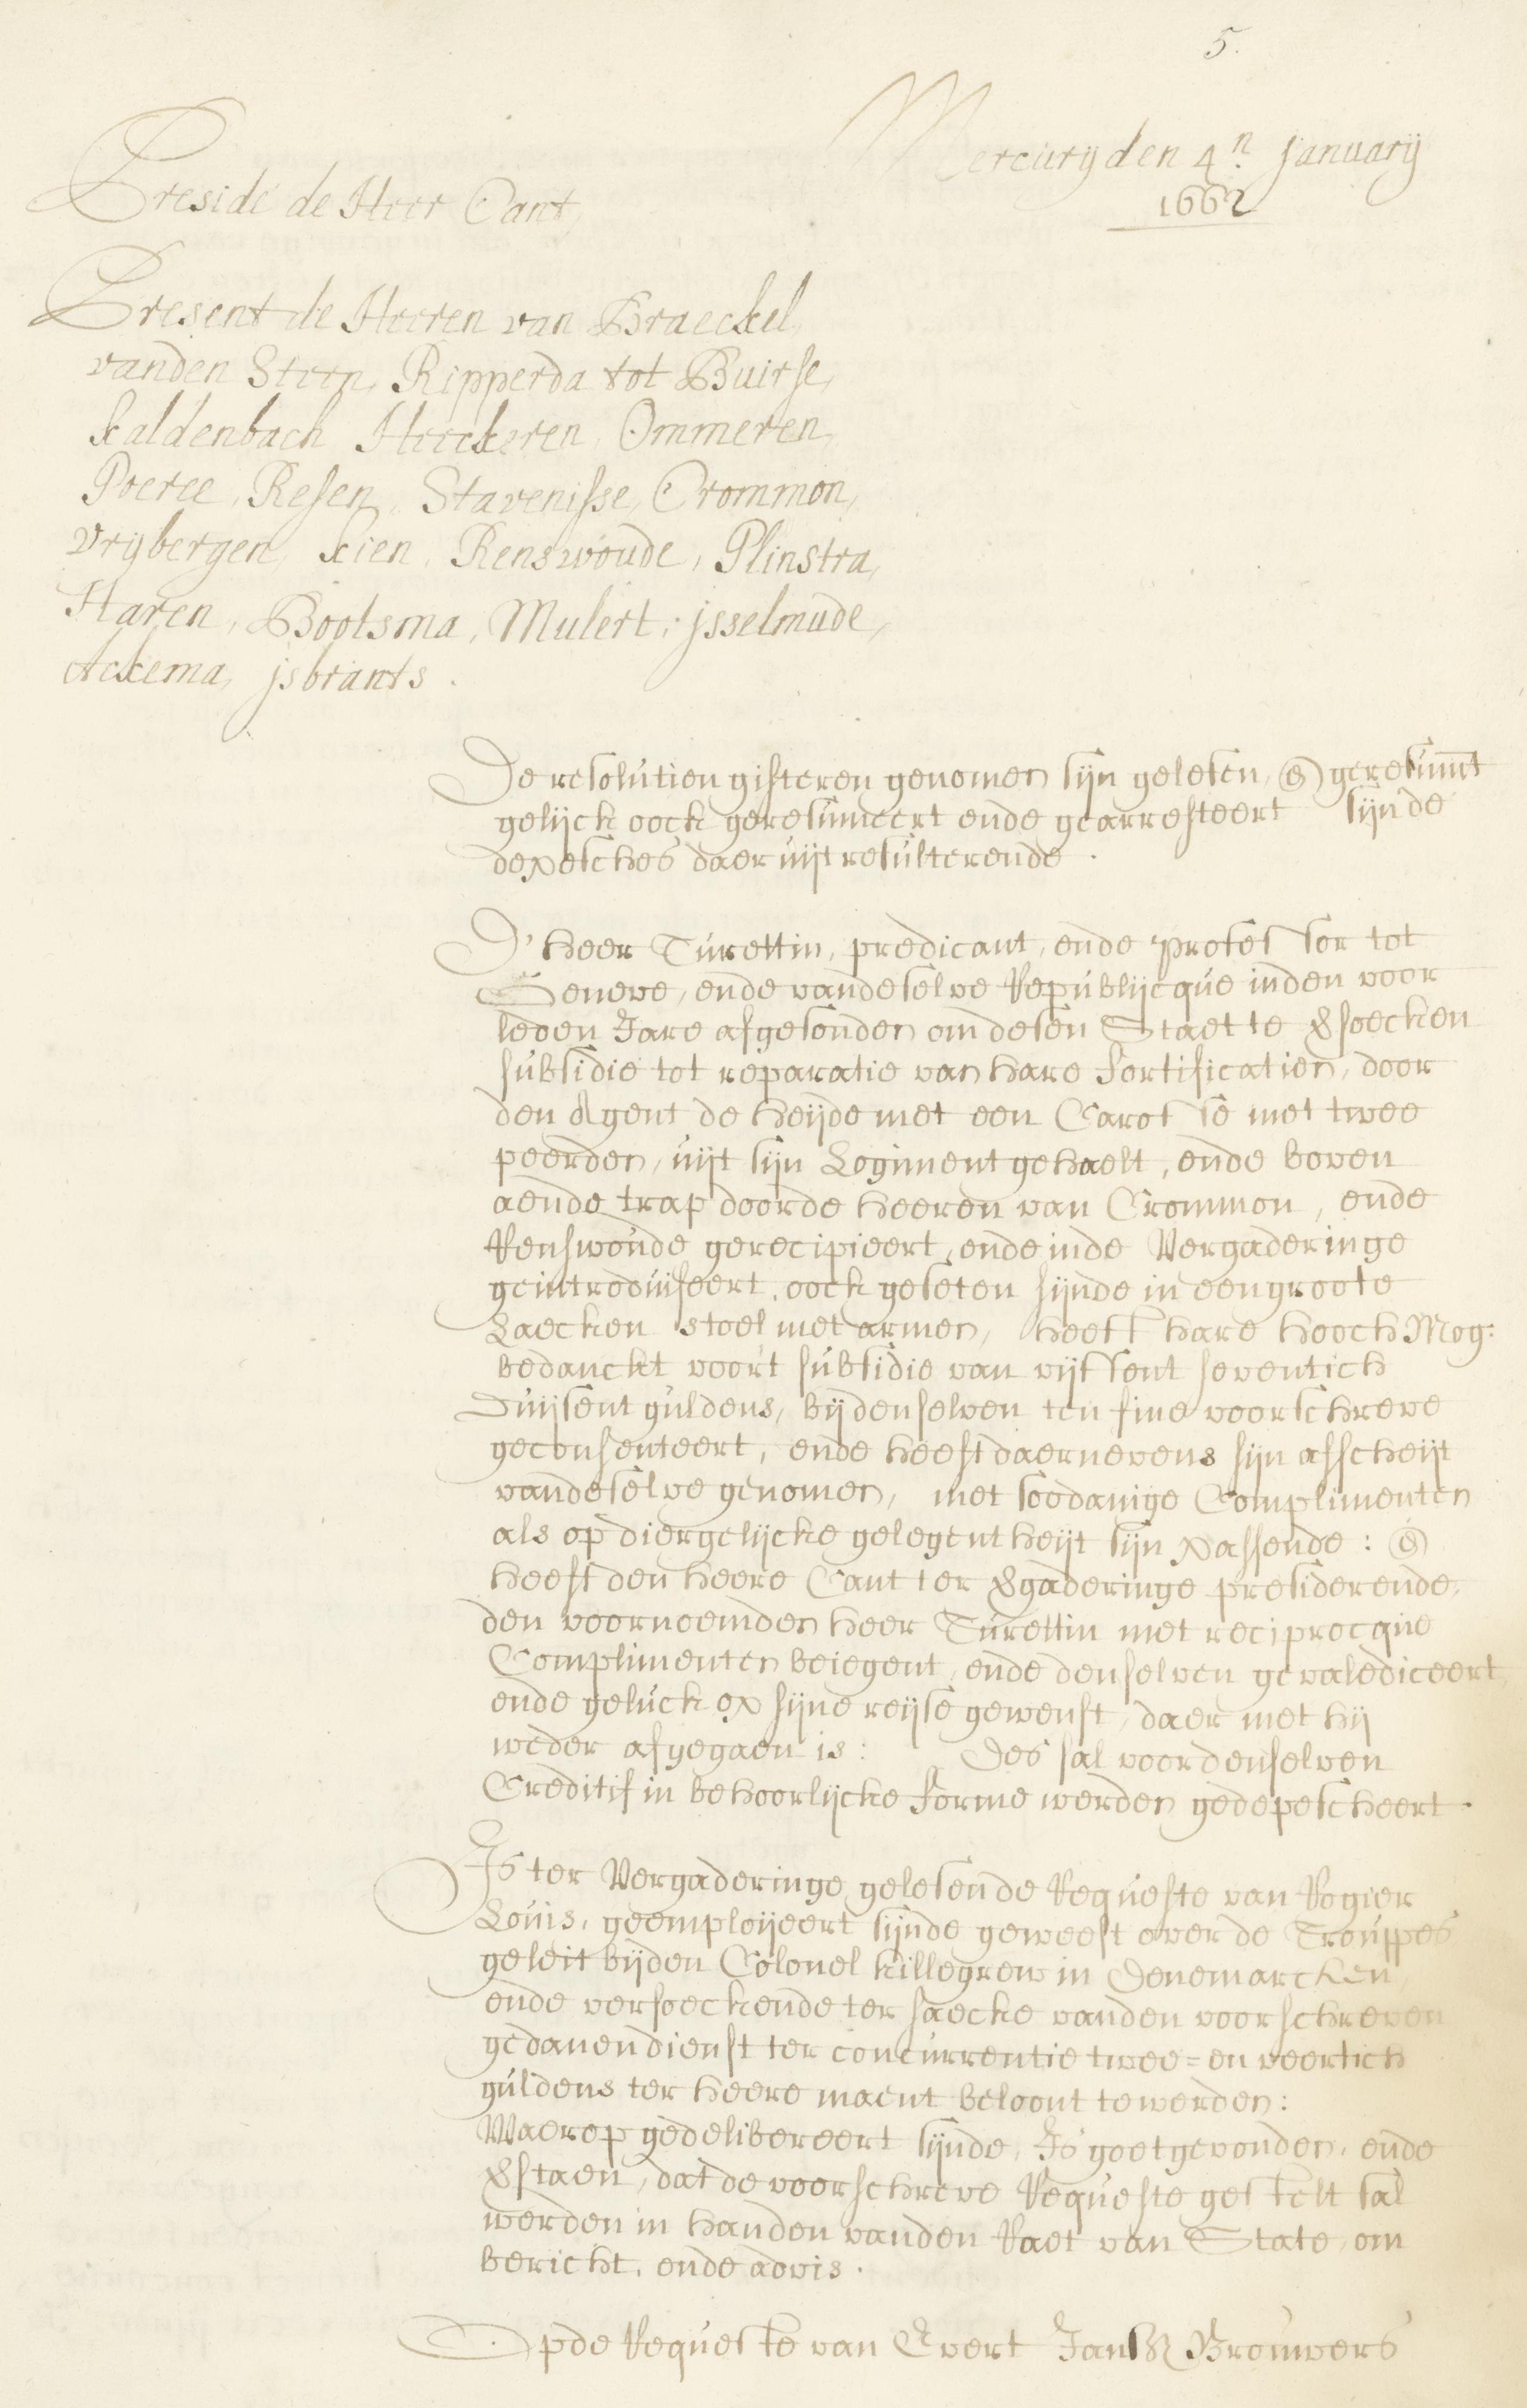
5.
Mercurij den 4n. Januarij 1662
Preside de Heer Cant
Present de Heeren van Braeckel,
vanden Steen, Ripperda tot Buirse,
Kaldenbach Heeckeren, Ommeren,
Goeree, Resen, Stavenisse, Crommon,
Vrijbergen, kien, Renswoude, Glinstra,
Haren, Bootsma, Mulert, Isselmude,
Ackema, Isbrants.
De resolutien gisteren genomen sijn gelesten, & geresumt
gelijck oock geresumeert ende gearresteert sijn de
depesches daer uijt resulterende.
D'heer Turettin, predicant, ende professor tot
Geneve, ende vandeselve Republijcque inden voor
leden Jare afgesonden om desen Staet te vsoecken
subsidie tot reparatie van hare fortificatien, door
den Agent de Heijde met een Carosse met twee
peerden, uijt sijn Logiment gehaelt, ende boven
aende trap door de heeren van Crommon, ende
Renswoude gerecipieert, ende inde Vergaderinge
geintroduiseert, oock geseten sijnde in een groote
laecken stoel met armen, heeft hare hooch Mog:
bedanckt voor‛t subsidie van vijffent seventich
Duijsent guldens, bij denselven ten fine voorschreve
geconsenteert, ende heeft daernevens sijn afscheijt
van deselve genomen, met soodanige Complimenten
als op diergelijcke gelegentheijt sijn passende: &
heeft den heere Cant ter vgaderinge presiderende,
den voornoemden heer Turettin met reciprocque
Complimenten beiegent, ende denselven gevalediceert
ende geluck op sijne reijse gewenst, daer met hij
weder afgegaen is: Des sal voor denselven
Creditif in behoorlijcke forme werden gedepescheert.
Is ter Vergaderinge gelesen de Requeste van Rogier
Louis, geemploijeert sijnde geweest over de Trouppes
geleit bijden Colonel killegrens in Denemarcken
ende versoeckende ter saecke vanden voorschreven
gedanen dienst ter concurrentie twee=en veertich
guldens ter heere maent beloont te werden:
Waerop gedelibereert sijnde, Is goetgevonden, ende
vstaen, dat de voorschreve Requeste gestelt sal
werden in handen vanden Raet van State, om
bericht, ende advis.
Opde Requeste van Evert Janssz Brouwers
